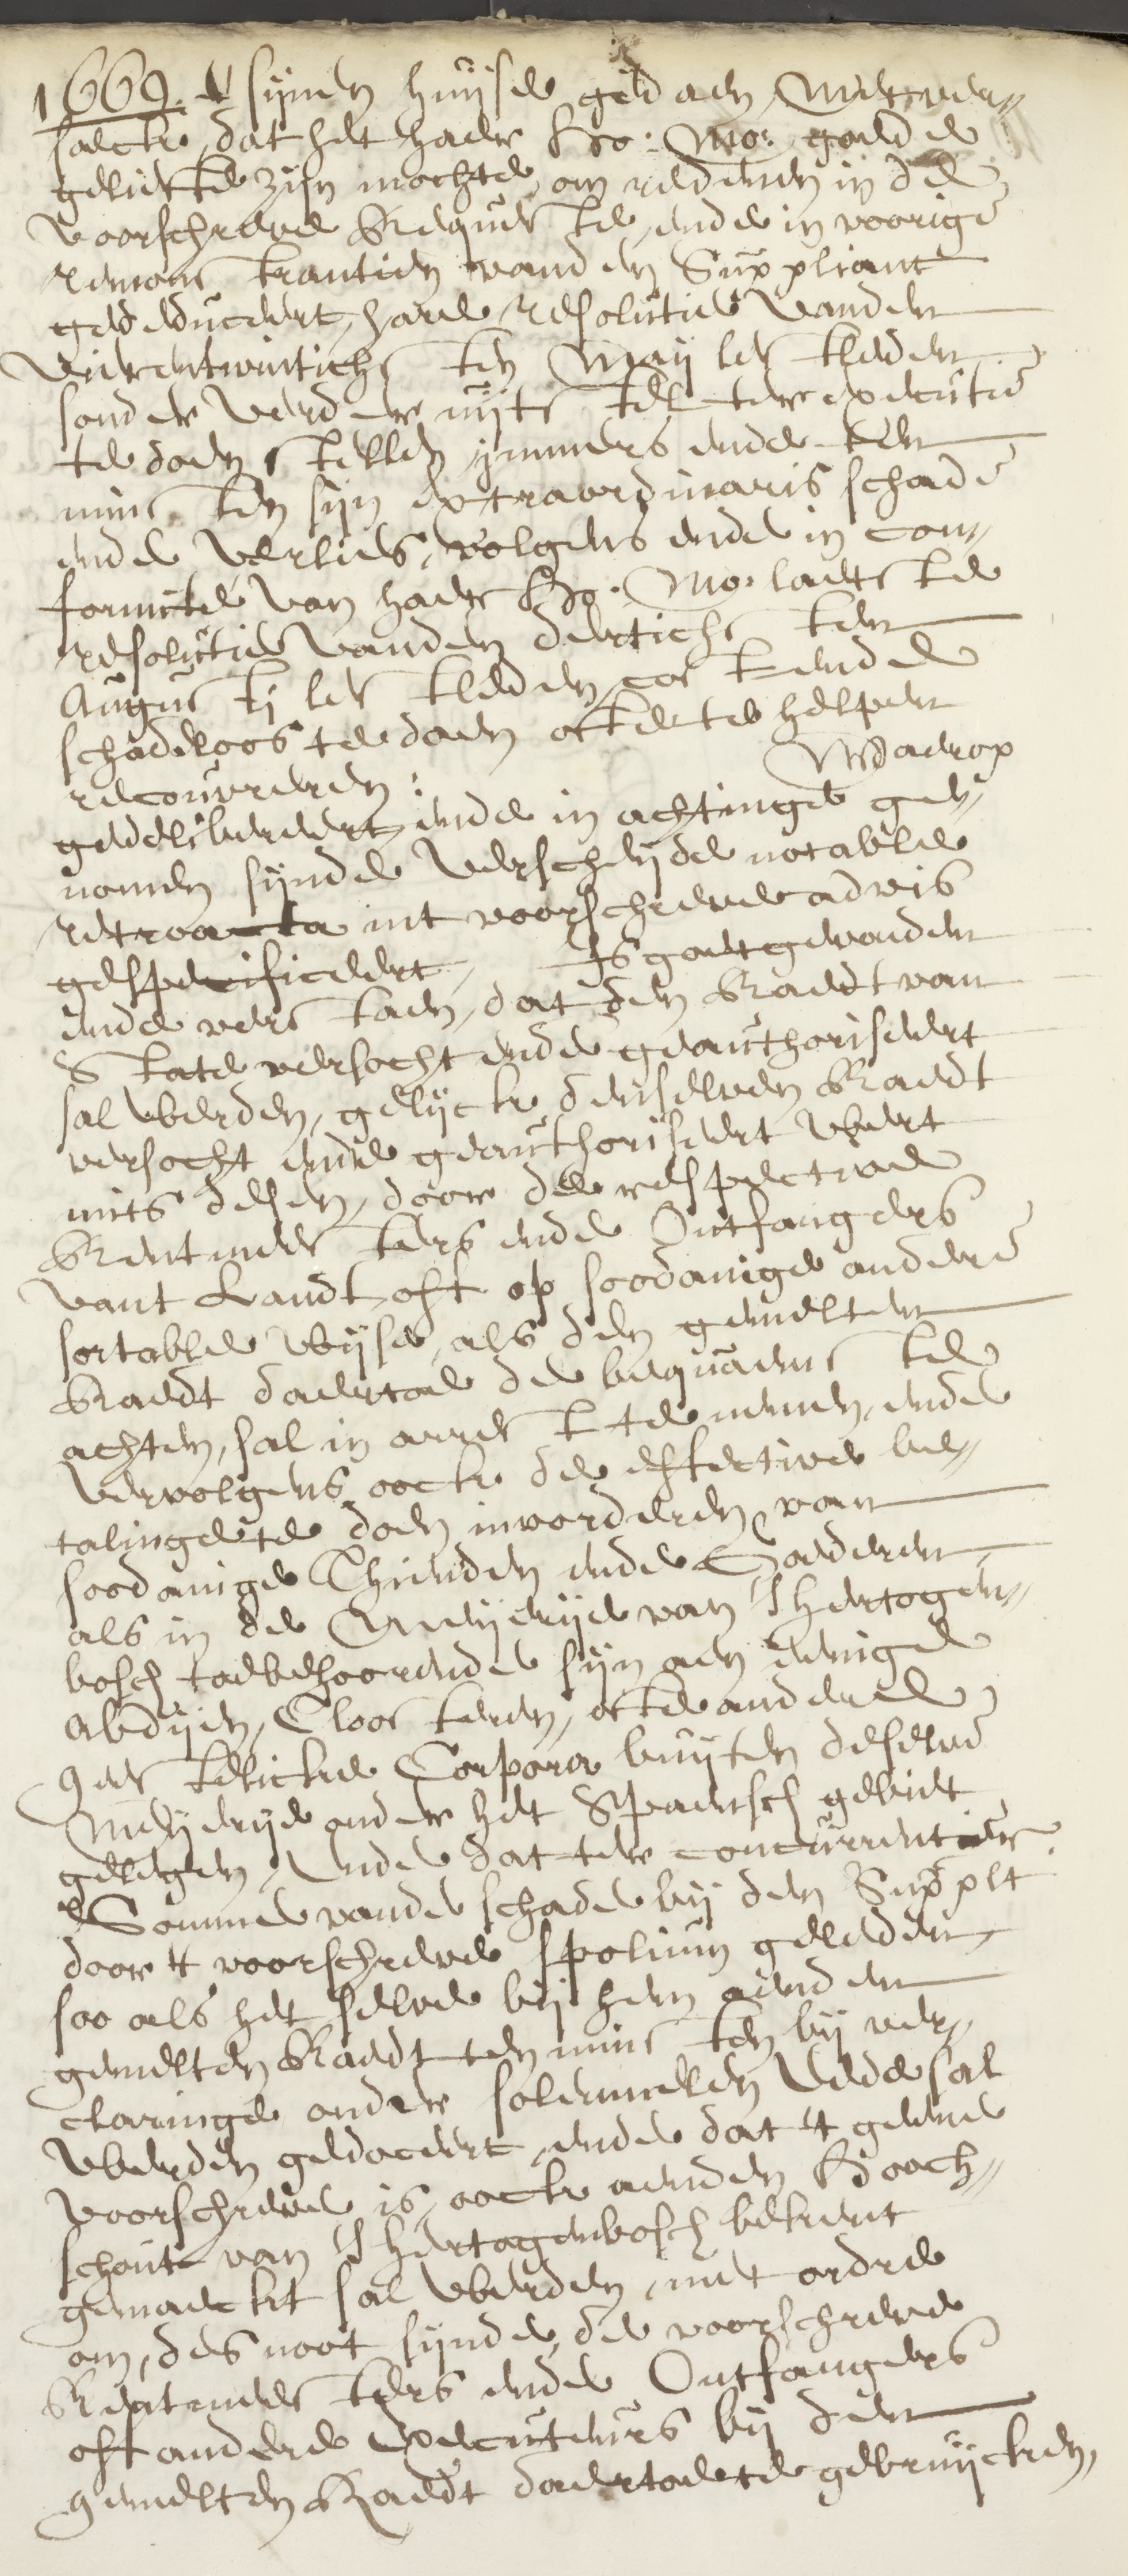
1669. t‛ sijnen huijse gedaen, met ver„
soeck dat het haer Ho:Mo: goede
geliefte zijn mochte, om redenen in de
voorschreve Requeste, ende in voorige
remonstrantien vanden Suppliant
gededuceert, hare resolutie vanden
vierentwintichsten Maij lestleden
sonder verder uijtstel ter executie
te doen stellen immers ende ten
minsten sijn Extraordinaris schade
ende verlies, volgens ende in con„
formité van haer Ho:Mo: laetste
resolutie vanden dertichsten
Augusti lestleden, cost ende
schadeloos te doen ofte te helpen
recouvreren: Waerop
gedelibereert, ende in achtinge ge„
nomen sijnde, verscheijde notable
retroacta int voorschreve advis
gespecificeert, Is goetgevonden
ende verstaen, dat den Raedt van
State versocht ende geauthoriseert
sal werden, gelijck denselven Raedt
versocht ende geauthoriseert wert
mits desen, door de respective
Rentmeesters ende Ontfangers
vant Landt, off op soodanige andere
sortable wijse, als den gemelten
Raedt daertoe de bequaemste
achten, sal in arrest te nemen, ende
vervolgens oock de effective be„
talinge te doen invorderen van
soodanige Thienden ende Goederen
als in de Meijerije van ‛s hertogen„
bosch toebehoorende sijn aen eenige
Abdijen, Cloosteren, ofte andere
geestelicke Corpora buijten deselve
Meijerije onder het Spaensch gebiet
gelegen, Ende dat ter concurrentier
Somme vande schade bij den Supplt.
door 't voorschreve spolium geleden,
soo als het selve bij hem aenden
gemelten Raedt ten minsten bij ver„
claringe onder solemnelen Eede sal
werden gedoceert, ende dat 't geene
voorschreve is, oock aenden Hooch„
schout van ‛s hertogenbosch bekent
gemaeckt sal werden, met ordre
om, des noot sijnde, de voorschreve
Rentmeesters ende Ontfangers
off andere Executeurs bij den
gemelten Raedt daertoe te gebruijcken,
